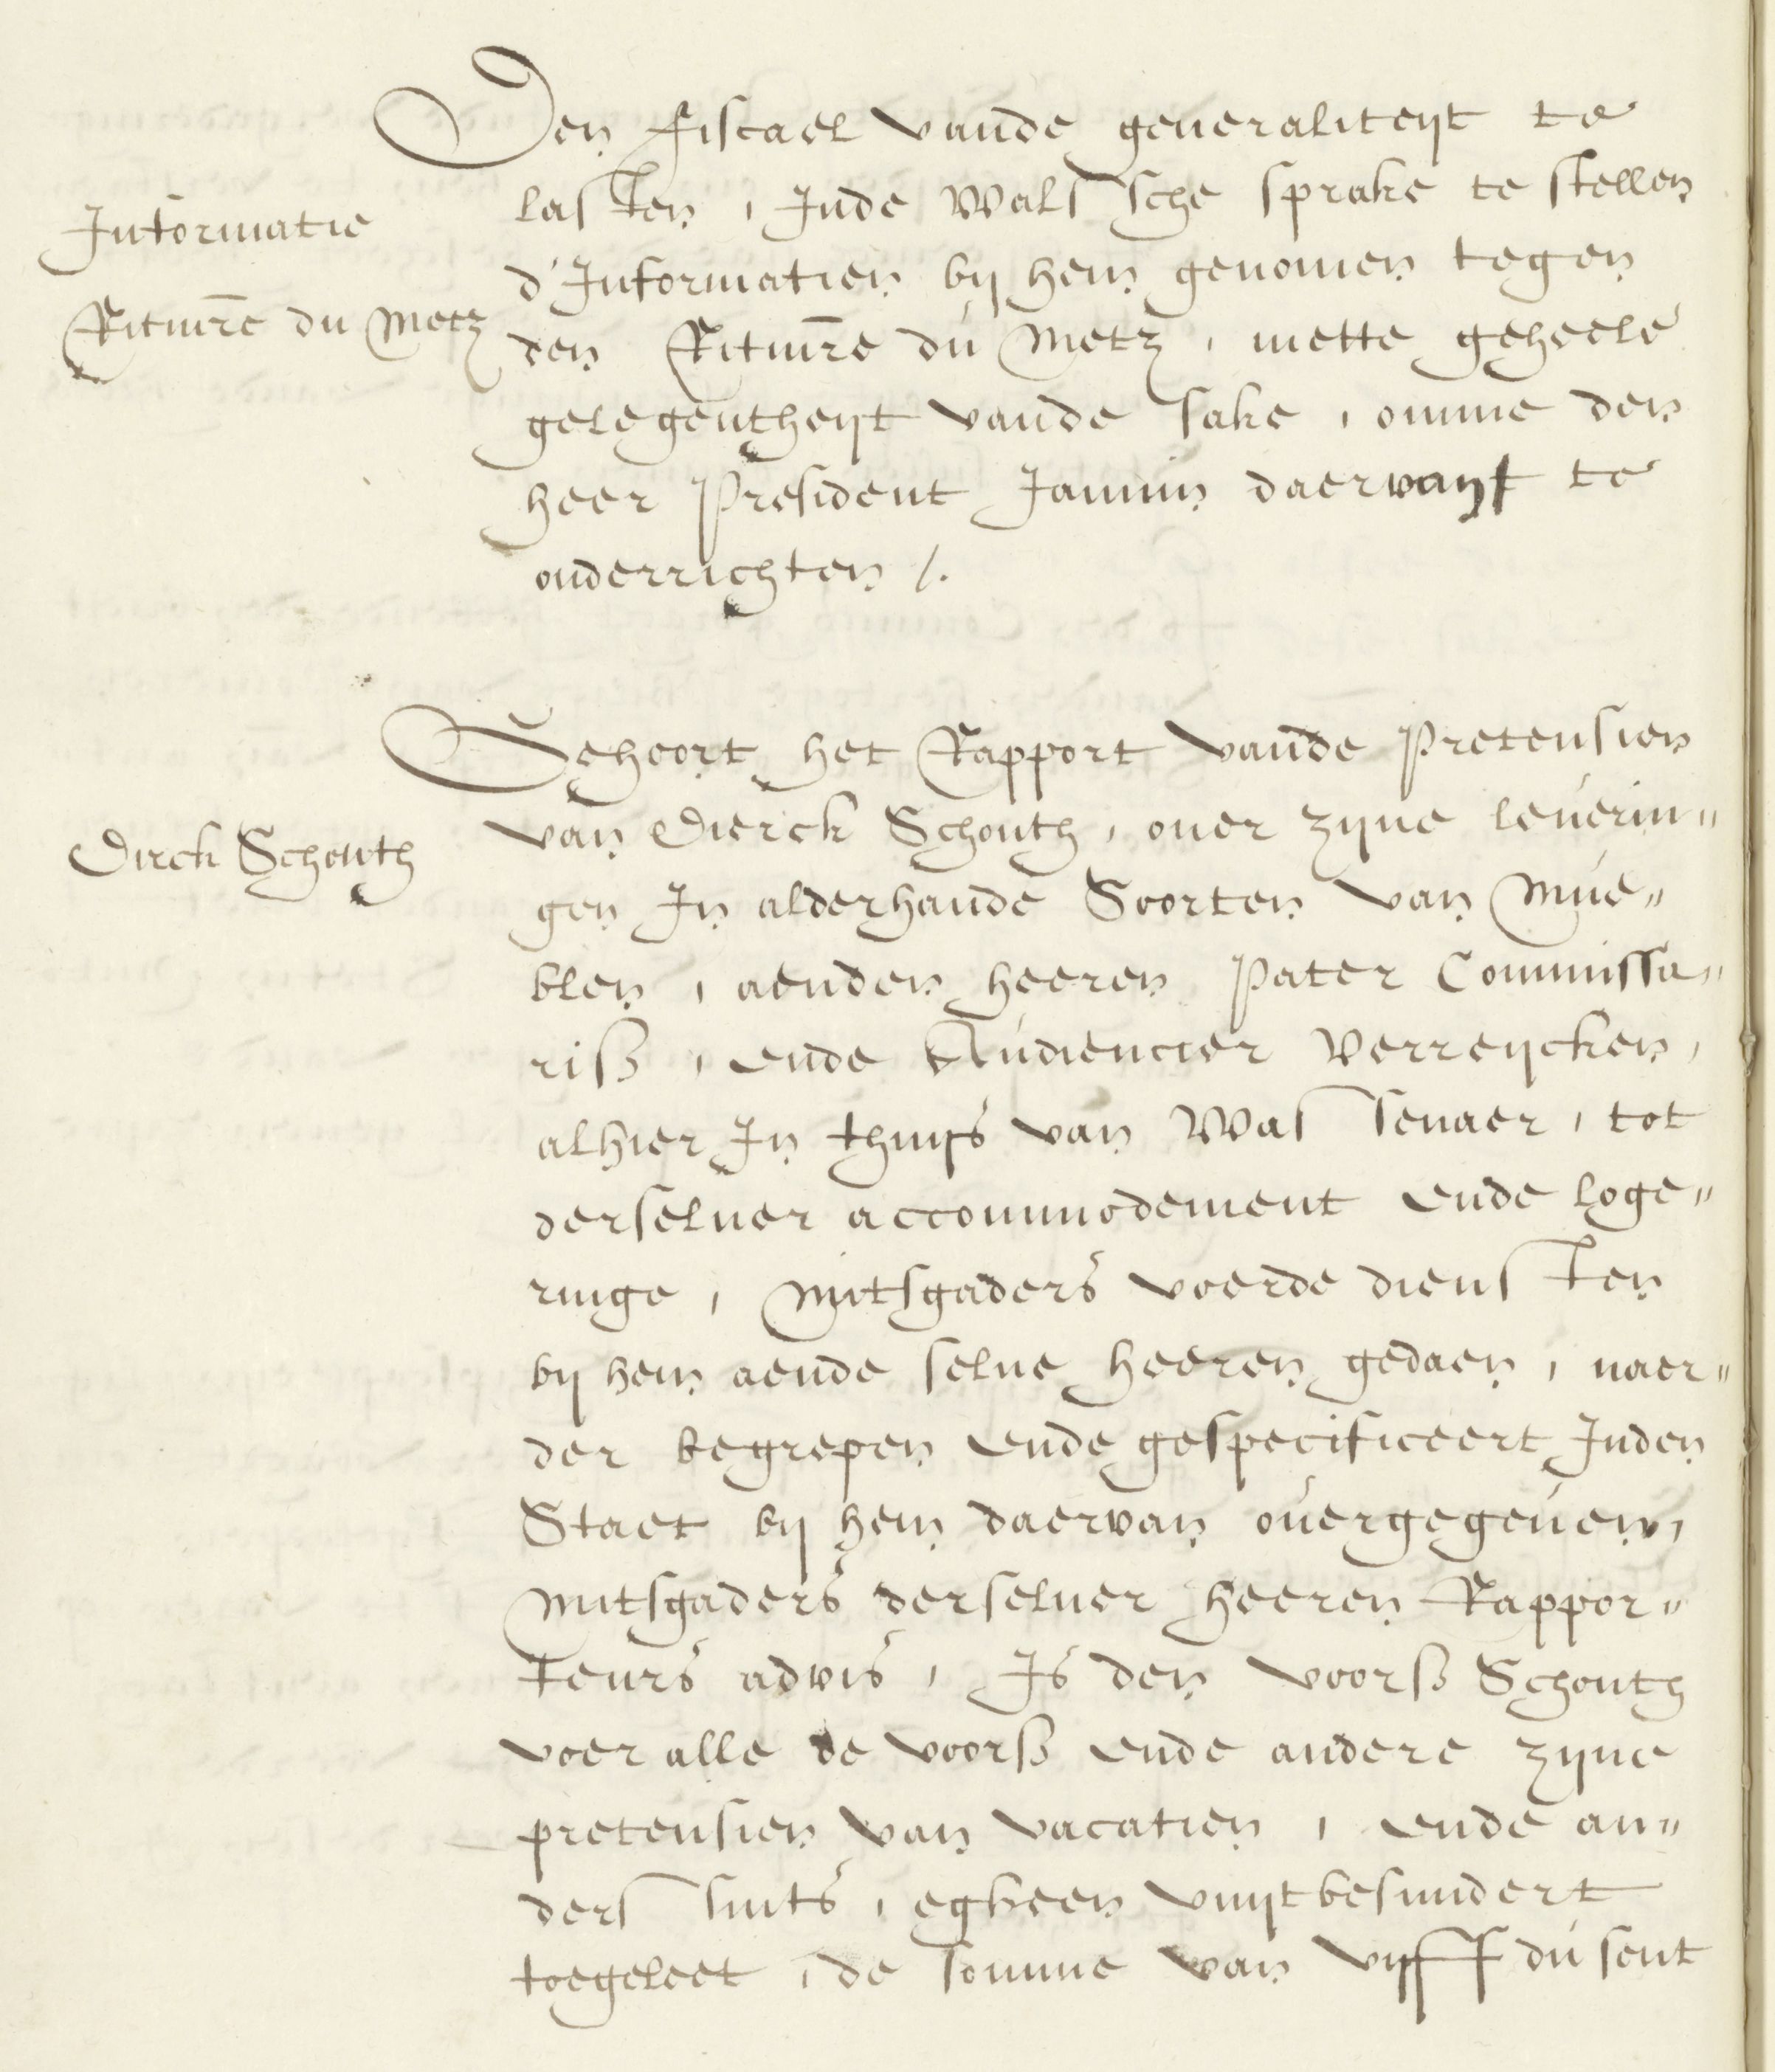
Informatie
Ritmre du Metz
Den fiscael vande generaliteyt te
lasten, Inde Walssche sprake te stellen
d'Informatien by hem genomen tegen
den Ritmre du Metz, mette geheele
gelegentheyt vande sake, omme den
heer President Jannin daervant te
onderrichten.
Dirck Schouth
Gehoort het Rapport vande pretensien
van Dierck Schouth, ouer zyne leuerin,,
gen In alderhande Soorten van mue,,
blen, aenden heeren pater Commissa,,
ris, ende Audiencier Verreycken,
alhier In thuys van Wassenaer, tot
derseluer accommodement ende loge,,
ringe, mitsgaders voerde diensten
by hem aende selue heeren gedaen, naer,,
der begrepen ende gespecificeert Inden
Staet by hem daervan ouergegeuen,
mitsgaders derseluer heeren Rappor,,
teurs advis. Is den voors Schouth
voer alle de voors ende andere zyne
pretensien van vacatien, ende an,,
derssints, egheen vuytbesundert
toegeleet, de somme van vyffdusent
